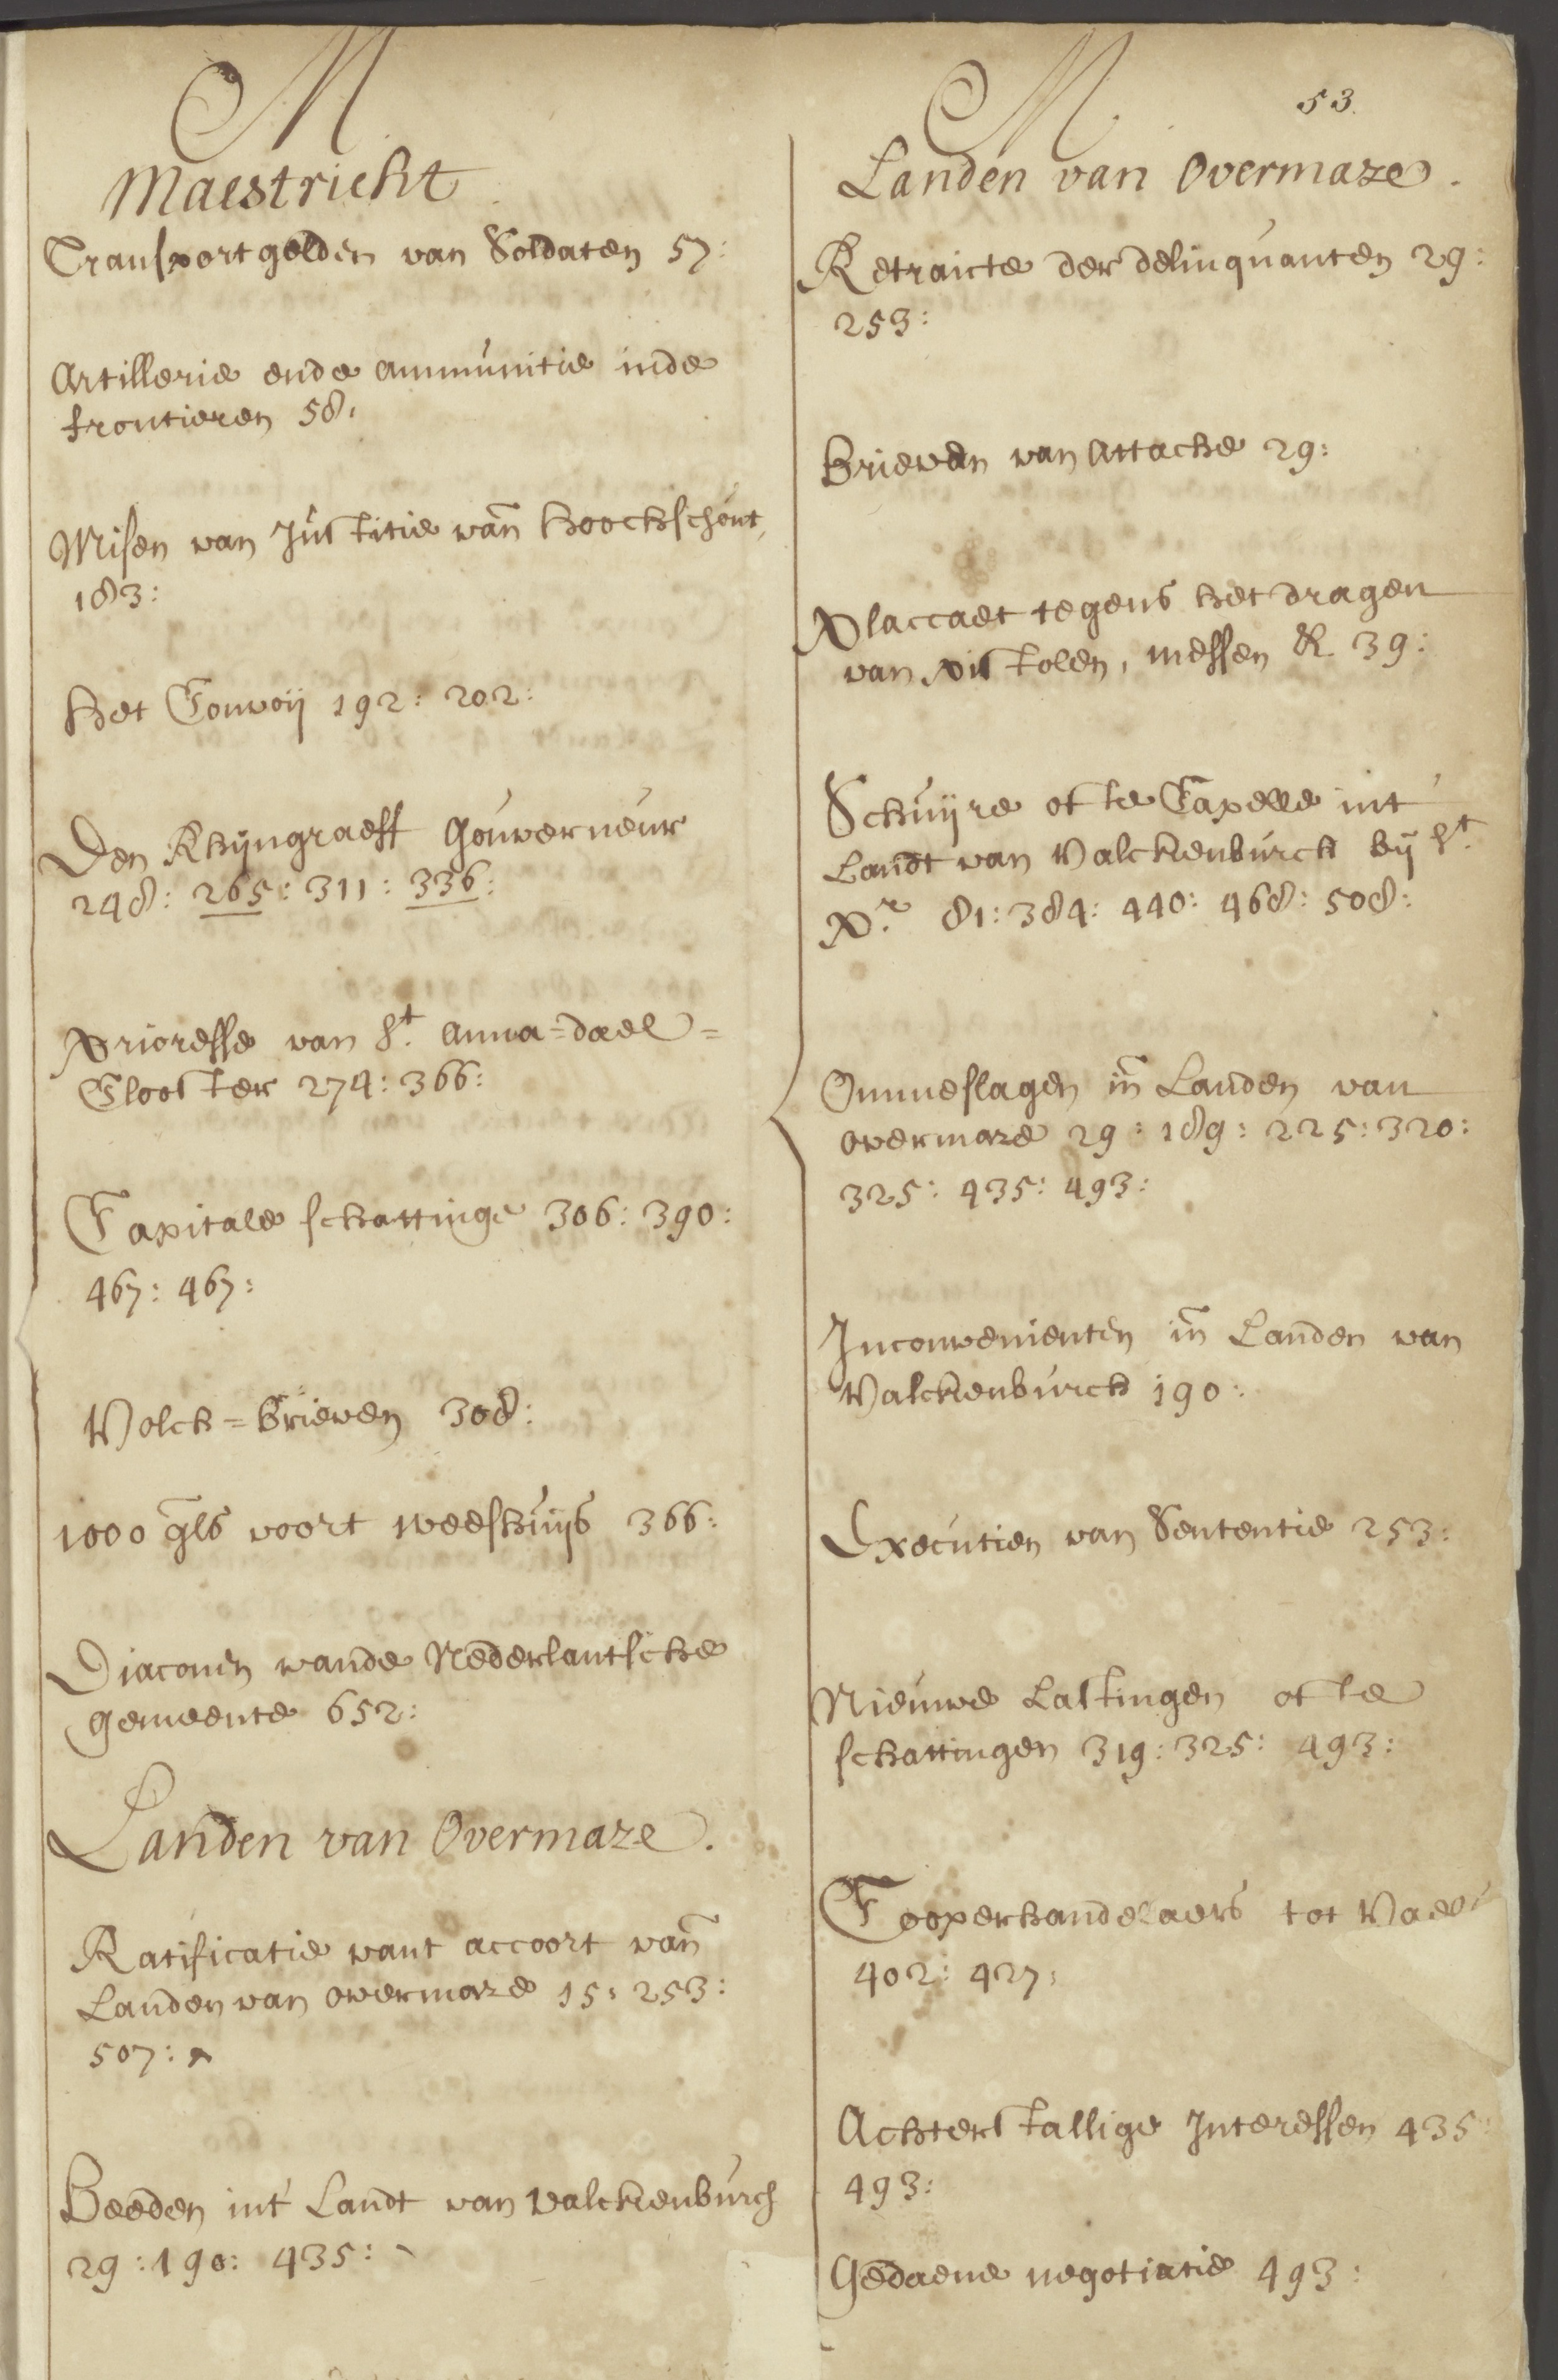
53.
M.
Maestricht.
Transportgelden van Soldaten 57:
Artillerie ende ammunitie inde
frontieren 58.
Misen van Justitie van Hoochschout
183:
Het Convoij 192: 202:
Den Rhijngraeff Gouverneur
248: 265: 311: 336:
Prioresse van St. Anna=dael=
Clooster 274: 366:
Capitale schattinge 306: 390:
467: 467:
Volch=brieven 308:
1000 gls voort weeshuijs 366:
Diaconen vande Nederlantsche
gemeente 652:
Landen van Overmaze.
Ratificatie vant accoort van
Landen van overmaze 15: 253:
507:
Beeden int' Landt van Valckenburch
29: 190: 435:
M.
Landen van Overmaze.
Retraicte der delinquanten 29:
253:
Brieven van Attache 29:
Placcaet tegens het dragen
van pistolen, messen @ 39:
Schuijre ofte Capelle int
Landt van Valckenburch bij st.
Pr. 81: 384: 440: 468: 508:
Ommeslagen in Landen van
overmaze 29: 189: 225: 320:
325: 435: 493:
Inconvenienten in Landen van
Valckenburch 190:
Executien van Sententie 253:
Nieuwe Lastingen ofte
schattingen 319: 325: 493:
Cooperhandelaers tot Vael
402: 427:
Achterstallige Interessen 435:
493:
Gedaene negotiatie 493:
